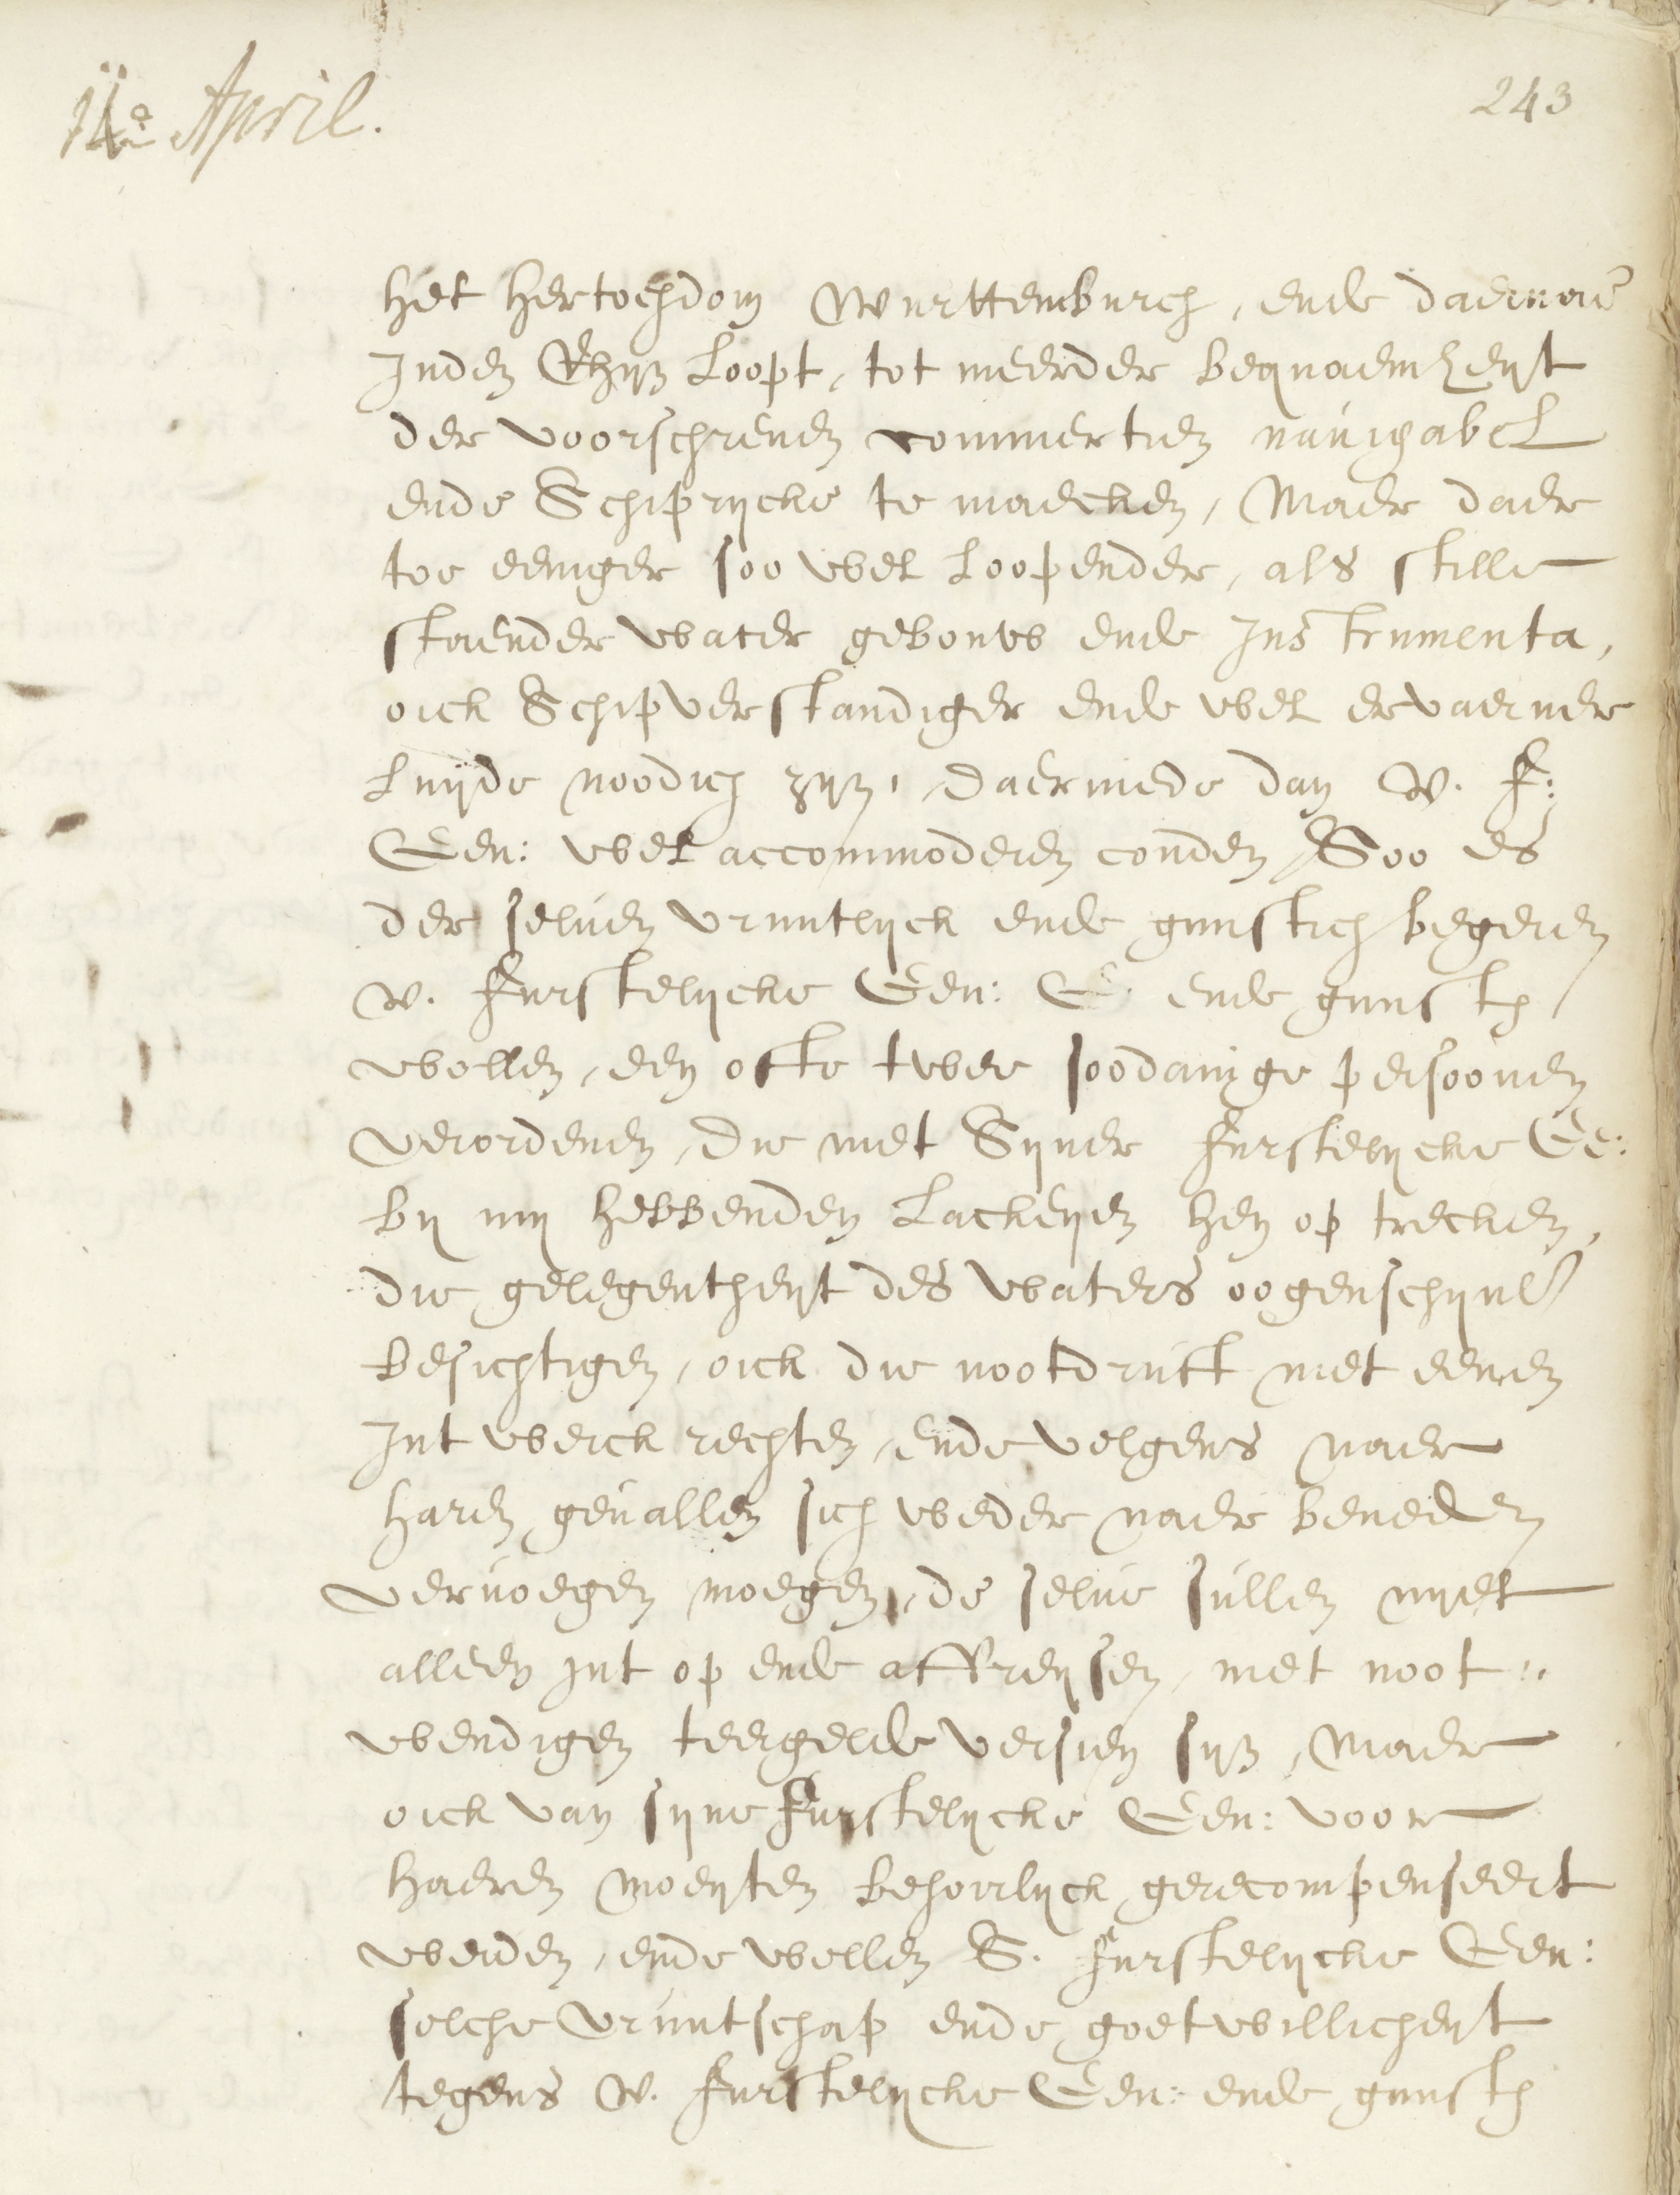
243
14e April.
het hertochdom Wurttemburch, ende daernae
inden Rhyn loopt, tot meerder bequaemheyt
der voorschreven commertien nauigabel
ende Schiprycke te maecken, maer daer
toe eeniger soo wel loopender, als stille
staender water gebouw ende Instrumenta,
oick Schipverstandiger ende wel ervaerner
luijde noodich zyn, daermede dan U. F:
Gen: wel accommoderen conden, Soo es
der seluen vruntlyck ende gunstich begeuen
U. furstelycke Gen: G. ende gunsten
wollen, een ofte twee soodanige persoonen
verordenen, die met Syner furstelycke Ge:
by my hebbenden Lackeyen hen op trecken,
die gelegentheyt des waters oogenschynl
besichtigen, oick die nootdruft met eenen
Int werck rechten, ende volgens naer
haren geuallen sich weder naer beneden
veruoegen moegen, de selue sullen nyet
alleen Int op ende affreysen, met noot„
wendigen teergelde versien syn, maer
oick van syne furstelycke Gen: voor
haeren moeyten behoirlyck gerecompenseert
werden, ende wellen S. furstelycke Gen:
solche vruntschap ende goetwillicheyt
tegens U. furstelycke Gen: ende gunsth
